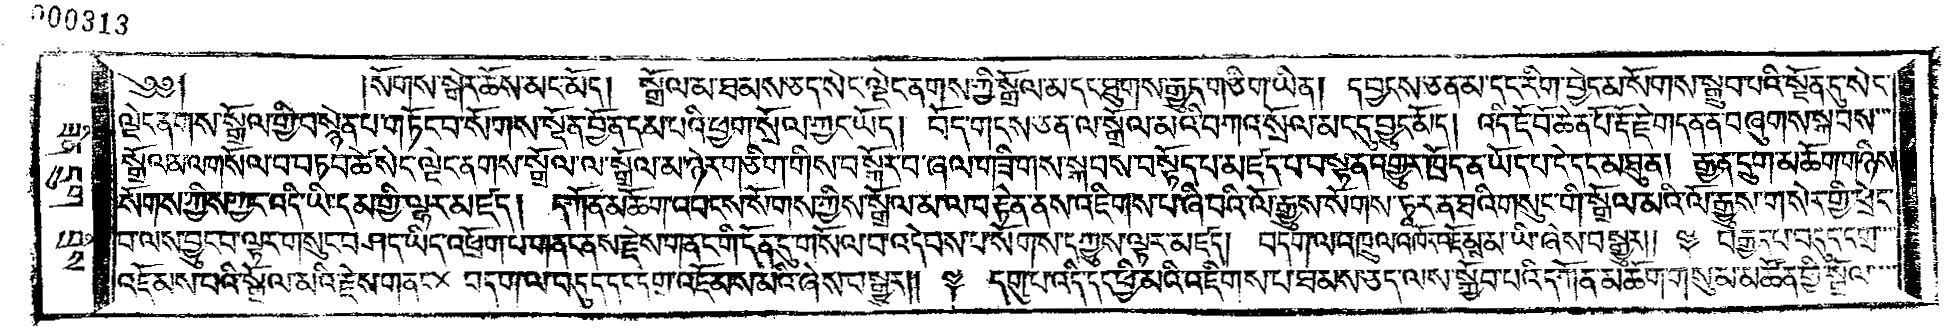༄༅། །སོགས་སྒེར་ཆོས་མང་མོད། སྒྲོལ་མ་ཐམས་ཅད་སེང་ལྡེང་ནགས་ཀྱི་སྒྲོལ་མ་དང་ཐུགས་རྒྱུད་གཅིག་ཡིན། དབྱངས་ཅན་མ་དང་རིག་བྱེད་མ་སོགས་སྒྲུབ་པའི་སྔོན་དུ་སེང་
ལྡེང་ནགས་སྒྲོལ་གྱི་བསྙེན་པ་གཏོང་བ་སོགས་སྔོན་?་བྱོན་དམ་པའི་ཕྱག་སྲོལ་ཀྱང་ཡོད། བོད་གངས་ཅན་ལ་སྒྲོལ་མའི་བཀའ་སྲོལ་མང་དུ་བྱུང་མོད། འདི་ཇོ་བོ་ཆེན་པོ་རྡོ་རྗེ་གདན་ན་བཞུགས་སྐབས་
སྒྲོལ་མ་ལ་གསོལ་བ་བཏབ་ཚེ་སེང་ལྡེང་ནགས་སྒྲོལ་ལ་སྒྲོལ་མ་ཉེར་གཅིག་གིས་བསྐོར་བ་ཞལ་གཟིགས་སྐབས་བསྟོད་པ་མཛད་པ་བསྟན་འགྱུར་ཁྲོད་ན་ཡོད་པ་དེ་དང་མཐུན། རྒྱན་དྲུག་མཆོག་གཉིས་
སོགས་ཀྱིས་ཀྱང་འདི་ཡི་དམ་གྱི་ལྷར་མཛད། དཀོན་མཆོག་འབངས་སོགས་ཀྱིས་སྒྲོལ་མ་ལ་བརྟེན་ནས་འཇིགས་པ་ཞི་བའི་ལོ་རྒྱུས་སོགས་ཏཱར་ན་ཐའི་གསུང་གི་སྒྲོལ་མའི་ལོ་རྒྱུས་གསེར་གྱི་ཕྲེང་
བ་ལས་བྱུང་བ་ལྟར་གསུང་བཤད་ཡིད་འཕྲོག་པ་གནང་ནས་རྗེས་གནང་གི་དོན་དུ་གསོལ་བ་འདེབས་པ་སོགས་དཀྱུས་ལྟར་མཛད། བདག་ལ་འཁྲུལ་འཁོར་འཇོམས་མ་ཡི་ཞེས་བསྒྱུར།། ༈ བརྒྱད་པ་བདུད་དགྲ་
འཇོམས་པའི་སྒྲོལ་མའི་རྗེས་གནང྾་བདག་ལ་བདུད་དང་དགྲ་འཇོམས་མའི་ཞེས་བསྒྱུར།། ༈ དགུ་པ་འདི་དང་ཕྱི་མའི་འཇིགས་པ་ཐམས་ཅད་ལས་སྐྱོབ་པའི་དཀོན་མཆོག་གསུམ་མཚོན་གྱི་སྒྲོལ་